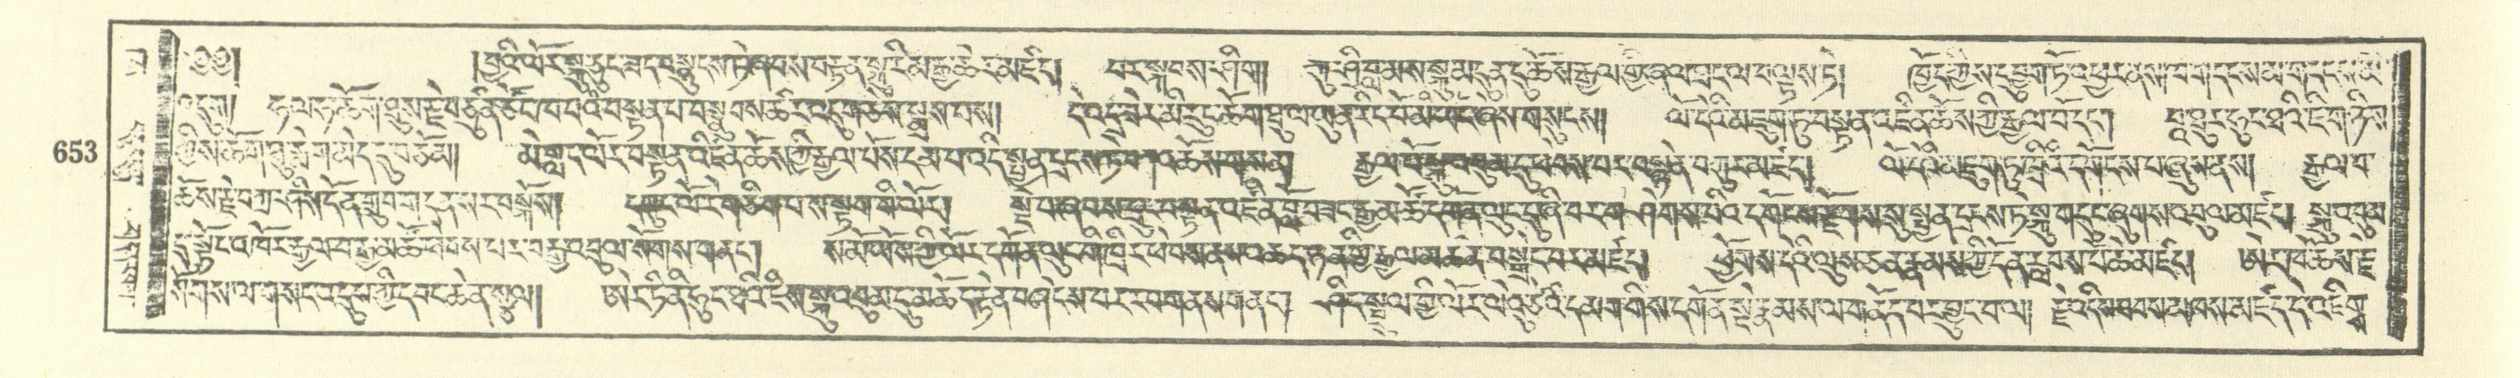༄༅། །བྱའི་ལོར་སྐུ་ཅུང་ཟད་བསྙུངས་ཏེ་ཞབས་བརྟན་སྐུ་རིམ་རྒྱ་ཆེར་མཛད། བར་སྐབས་ཤིག། ཀུ་ཤྲི་བླ་མས་སྐུ་མདུན་དུ་ཆོས་རྒྱལ་གྱི་ཞལ་ཐང་ལ་བལྟས་ཏེ། ཁྱོད་ཀྱིས་དབྱུག་ཏོ་འཕྱར་ནས་ཁ་གདངས་མ་གདངས་མི་
འདུག། ཧལ་ཧ་ཆོ་ག་ཐུས་རྗེ་བཙུན་ཙོང་ཁ་པའི་བསྟན་པ་བསྣུབས་ཚར་འདུག་ཅེས་སྨྲས་པས། དེ་འདྲ་ཟེར་མི་རུང་ཆོག་ཐུ་ལ་ཡུན་རིང་པོ་མི་ཡོང་ཞེས་གསུངས། ལོ་དེའི་མཇུག་ཏུ་བསྟན་འཛིན་ཆོས་ཀྱི་རྒྱལ་བོ་དང་། བཱ་ཐུར་ཧུང་ཐའི་ཇི་གཉིས་
ཀྱིས་ཆོག་ཐུ་རྨེག་མེད་དུ་བཅོམ། མེ་གླང་ལོར་བསྟན་འཛིན་ཆོས་ཀྱི་རྒྱལ་པོས་དམ་པ་འདི་སྤྱན་དྲངས་ཏེ་བཀའ་ཆོས་གསན། རྒྱལ་བོ་སྐུ་འབུམ་དུ་ཕེབས་པར་བསྙེན་བཀུར་མཛད། ལོ་དེའི་མཇུག་ཏུ་ཁྲིའི་དགོངས་པ་ཞུས་ནས། རྒྱལ་བ་
ཆོས་རྗེ་བཀྲ་ཤིས་དོན་གྲུབ་གདན་སར་བསྐོས། དགུང་ལོ་རེ་གཅིག་པ་ས་སྟག་གི་ལོར། སྡེ་བ་ཞབས་དྲུང་བསྟན་འཛིན་བློ་བཟང་རྒྱ་མཚོ་དགོན་ལུང་དུ་ཞི་བར་གཤེགས་པའི་དགོངས་རྫོགས་སུ་སྤྱན་དྲངས་ཏེ་སྐུ་གདུང་ཞུགས་འབུལ་མཛད། སྐུ་འབུམ་
དུ་སྟོང་འཁོར་རྒྱལ་བ་རྒྱ་མཚོ་ཕེབས་པར་བརྒྱ་འབུལ་སོགས་གནང་། ས་མོ་ཡོས་ཀྱི་ལོར་དགོན་ལུང་གི་ཁྲིར་ཕེབས་ནས་འཆད་ཉན་གྱི་རྒྱལ་མཚན་བསྒྲེང་པར་མཛད། ཕྱོགས་དེའི་ལུས་ཅན་རྣམས་ཀྱི་དོན་རླབས་པོ་ཆེ་མཛད། ཨེར་ཁེ་ཆོས་རྗེ་
སོགས་ལ་གསང་འདུས་ཀྱི་དབང་ཆེན་སྩལ། ཨེར་ཏི་ནི་ཧུང་ཐའི་ཇིས་སྐུ་འབུམ་དུ་མཆོད་རྟེན་བཞེངས་པར་རབ་གནས་གནང་། ཤིང་སྤྲུལ་གྱི་ལོར་ལེའུ་ཙེའི་དམག་གིས་དགོན་སྡེ་རྣམས་ལ་གནོད་བར་བྱུང་བ་ལ། རྗེ་འདིས་ཐབས་མཁས་མཛད་དེ་འཇིགས་